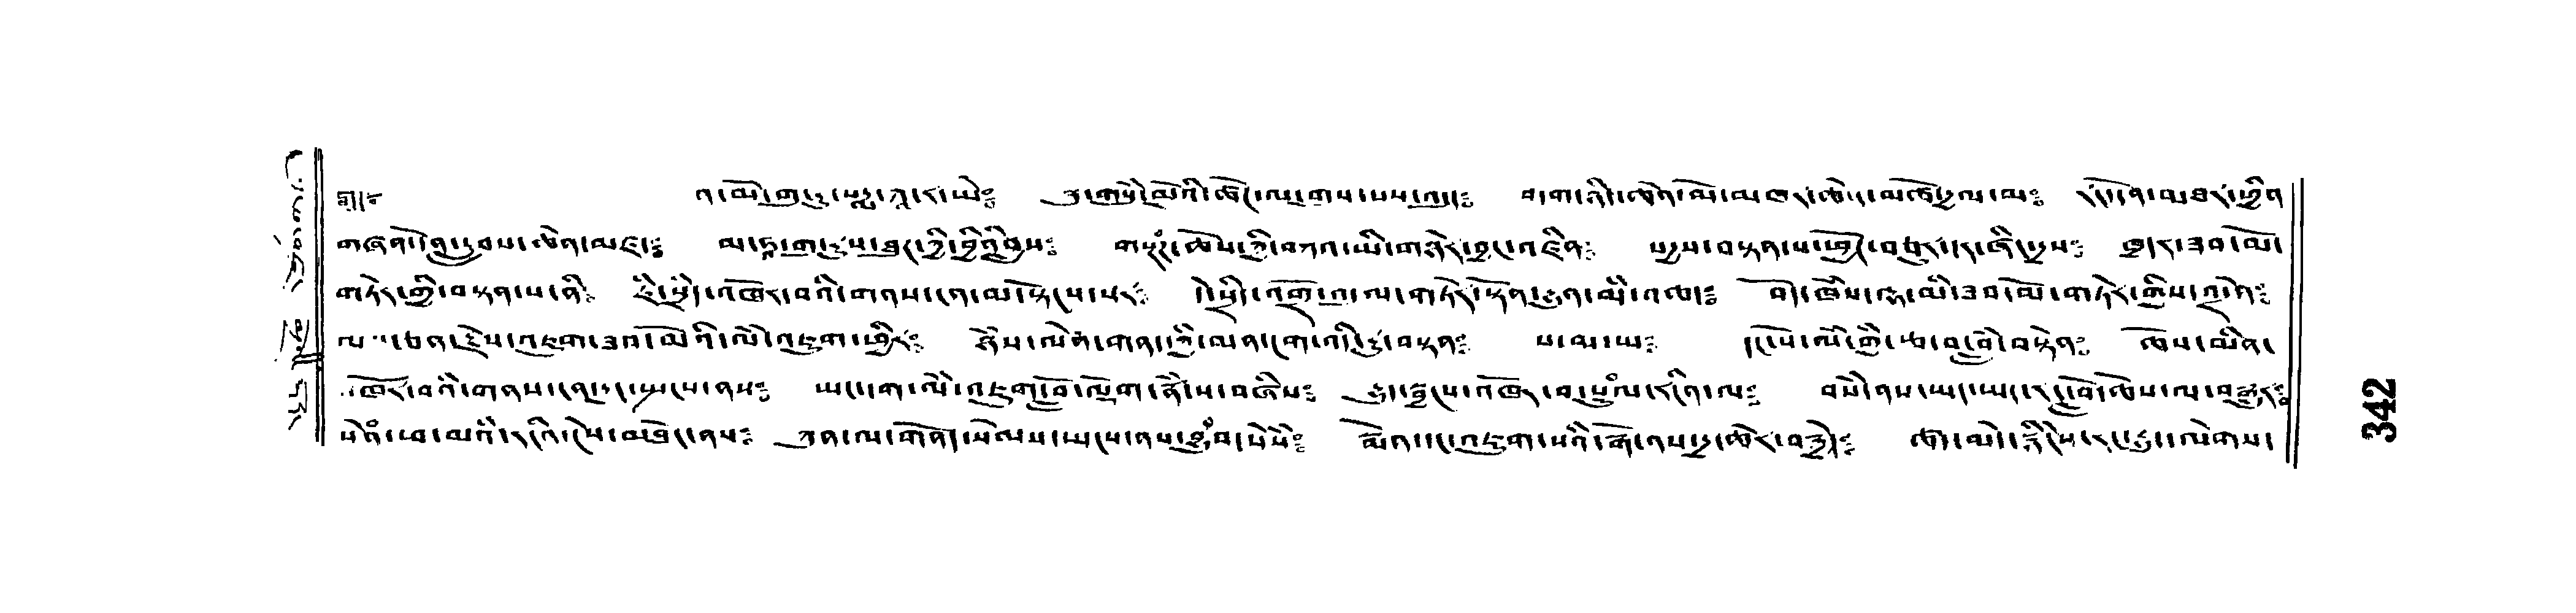ན་མོ་གུ་རུ་པདྨ་ཀཱ་ར་ཡེ༔ སྐུ་གསུམ་མཁའ་འགྲོའི་ཚོགས་ལ་གུས་པས་འདུད༔ བདག་ཉིད་ཆེན་མོ་མཁར་ཆེན་མཚོ་རྒྱལ་མ༔ རང་དོན་མཐར་ཕྱིན་
གཞན་དོན་རླབས་ཆེན་མཛད༔ མ་ཧཱ་གུ་རུས་ཐུགས་ཀྱི་བྱིན་གྱིས་རླབས༔ གསང་སྔགས་ཆོས་ཀྱི་བཀའ་ཡི་གཉེར་བྱང་འཛིན༔ སངས་རྒྱས་བསྟན་པ་ཕྱོགས་བཅུར་དར་ཞིང་རྒྱས༔ ཁྱད་པར་ཟབ་མོ་
གཏེར་གྱི་བསྟན་པ་ནི༔ ཇི་སྲིད་འཁོར་བའི་གནས་ངན་མ་སྟོངས་པར༔ དེ་སྲིད་འགྲོ་འདུལ་གཏེར་སྟོན་རྒྱུན་མི་འཆད༔ བོད་ཁམས་ལྷ་མི་ཟབ་མོ་གཏེར་གྱིས་འདྲེན༔ 
ལས་ཅན་རྗེས་འཇུག་ཟབ་མོའི་ལམ་འཇུག་ཕྱིར༔ཉམས་ལེན་གནད་ཀྱི་མན་ངག་འདི་རུ་བསྟན༔ ས་མ་ཡ༔ དང་པོ་ལམ་གྱི་རྩ་བ་བླ་མ་བསྟེན༔ ཆོས་མིན་
འཁོར་བའི་གནས་ངན་རྒྱང་སྤངས་ནས༔ ཡང་དག་ལམ་འཇུག་བློ་ལྡོག་རྣམ་པ་བཞིས༔ རྒྱུད་སྦྱངས་འཁོར་བ་སྡུག་བསྔལ་རང་བཞིན་ལ༔ བསམ་ནས་ཡང་ཡང་རང་བློ་ཆོས་ལ་བསྒྱུར༔ 
སེམས་ཅན་ཕ་མའི་རང་བཞིན་ངེས་མཐོང་ནས༔ ཀུན་ལ་གནོད་སེམས་སྤངས་ནས་བྱང་ཆུབ་སེམས༔ སྨོན་དང་འཇུག་པའི་སྒོ་ནས་རྒྱ་ཆེར་བསྐྱེད༔ ཚད་མེད་སྙིང་རྗེས་རང་རྒྱུད་ལེགས་